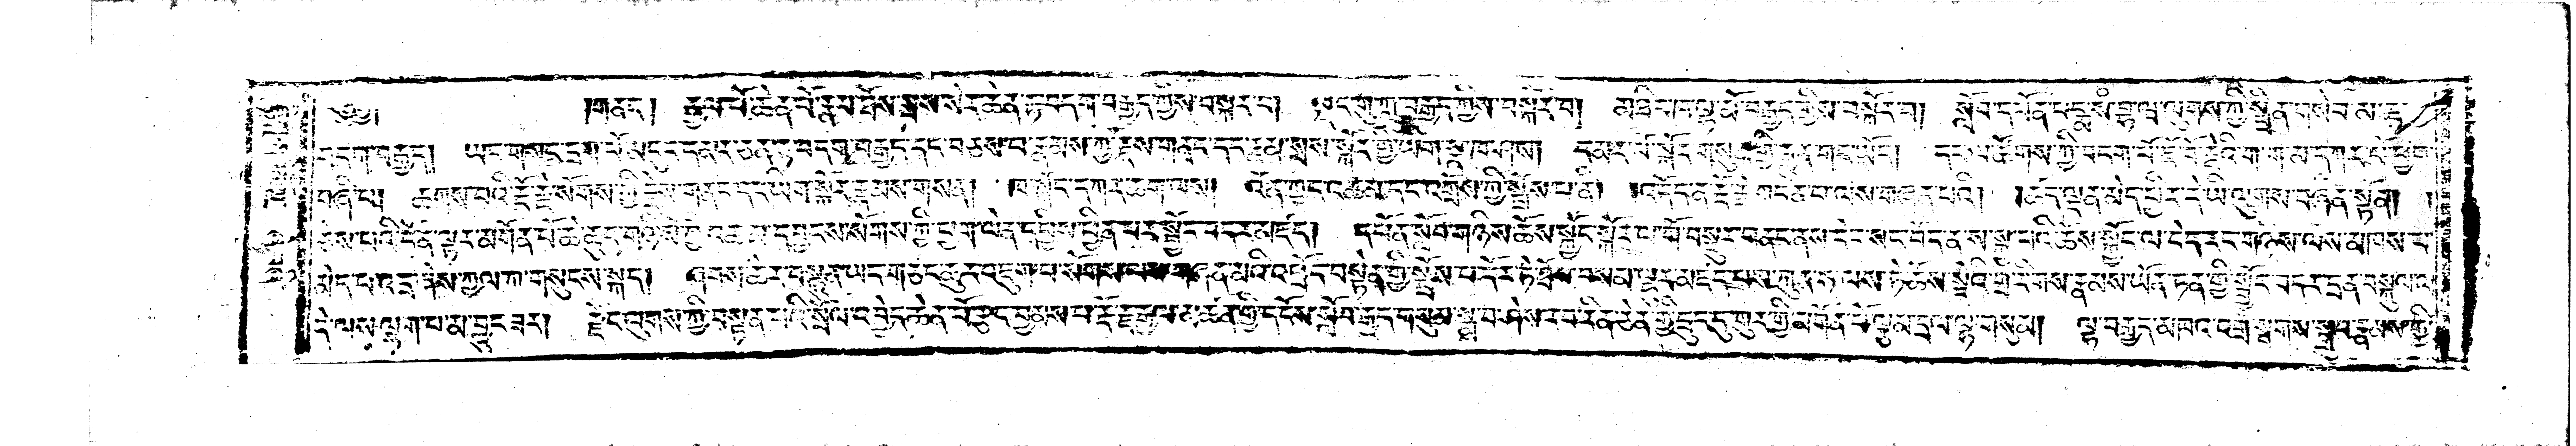༄༅། །གནང་། རྒྱལ་བློ་ཆེན་པོ་རྣམ་ཐོས་སྲས་སེར་ཆེན་ལྷ་བདག་བརྒྱད་ཀྱིས་བསྐོར་བ། ལྔར་བུ་?་ཀླུ་བརྒྱད་ཀྱིས་བསྐོར་བ། མཐིང་ཁ་ལྷ་མོ་བརྒྱད་ཀྱིས་བསྐོར་བ། སློབ་དཔོན་པདམ་སཾ་བྷ་ཝ་ལུགས་ཀྱི་སྤྲིན་གསེབ་མ་རྟ་
བདག་བརྒྱད། ཡང་གསང་དྲག་པོ་མདུར་དམར་ཅན་རྟ་བདག་བརྒྱད་དང་བཅས་པ་རྣམས་ཀྱི་རྗེས་གནང་དང་རྣམ་སྲས་སྐོར་གྱི་ཡིག་སྣ་ཁ་ཤས། དམར་པོ་སྐོར་གསུམ་གྱི་རྒྱུན་གང་ཡོད། དཔལ་ཚོགས་ཀྱི་བདག་པོ་ཇོ་བོ་རྗེའི་ག་གམ་དཀར་པོ་ཕྱག་
བཞི་པ། ཆགས་པའི་རྡོ་རྗེ་སོགས་ཀྱི་རྗེས་གནང་དང་ཡིག་སྐོར་རྣམས་གསན། ཁ་སྐོང་དཀར་ཆག་ལས། འོན་ཀྱང་འཆམ་དང་འགྲོས་ཀྱི་སྤྲོས་པ་ནི། །འདོད་ན་རྡོ་རྗེ་གདན་བ་ལས་གཞན་པའི། །ཚད་ལྡན་མེད་ཕྱིར་དེ་ཡི་ལུགས་བཞིན་སྟོན། །
ཅེས་པའི་དོན་ལྟར་མགོན་པོ་ཆེ་ཆུང་གཉིས་ཀྱི་འཆམ་དབྱངས་སོགས་ཀྱི་ཕྱག་ལེན་དབྱིས་ཕྱིན་པར་སྦྱོང་བདར་མཛད། དཔོན་སློབ་གཉིས་ཆོས་སྐྱོང་སྐོར་ལ་གོ་བསྡུར་གནང་ནས་དེང་སང་བོད་ན་ས་སྐྱ་བའི་ཆོས་སྐྱོང་ལ་ངེད་རང་གཉིས་ལས་མཁས་པ་
མེད་པ་འདྲ་ཞེས་ཀྱལ་ཀ་གསུངས་སྐད། ཞབས་ཆེར་བསྙུན་ཡང་གཙང་ཆུར་འཇུག་པ་སོགས་ལས་གཞན་མའི་འཕྲོད་བསྟེན་གྱི་སྤྲོས་པ་དོར་ཏེ་ཐོས་བསམ་ལྷུར་མཛད་པས་ཀུན་ཧ་ལས་ཏེ་ཆོས་སྡེའི་གྲ་རིགས་རྣམས་ཡོན་ཏན་གྱི་སྦྱོང་བདར་དྲན་བསྐུལ་ལ་
དེ་ལས་ལྷག་བ་མ་བྱུང་ཟེར། རྫོང་ལུགས་ཀྱི་བསྟན་པའི་སྲོལ་འབྱེད་ཆེན་པོ་རྩང་བྱམས་པ་རྡོ་རྗེ་རྒྱལ་མཚན་གྱི་དངོས་སློབ་རྒྱུད་གསུམ་སྨྲ་བ་ཤེས་རབ་རིན་ཙན་གྱི་དྲུང་དུ་གུར་གྱི་མགོན་པོ་ལྕམ་དྲལ་ལྷ་གསུམ། ལྷ་བརྒྱད་མཁའ་འགྲོ་སྦགས་སྒྲུབ་རྣམས་ཀྱི་